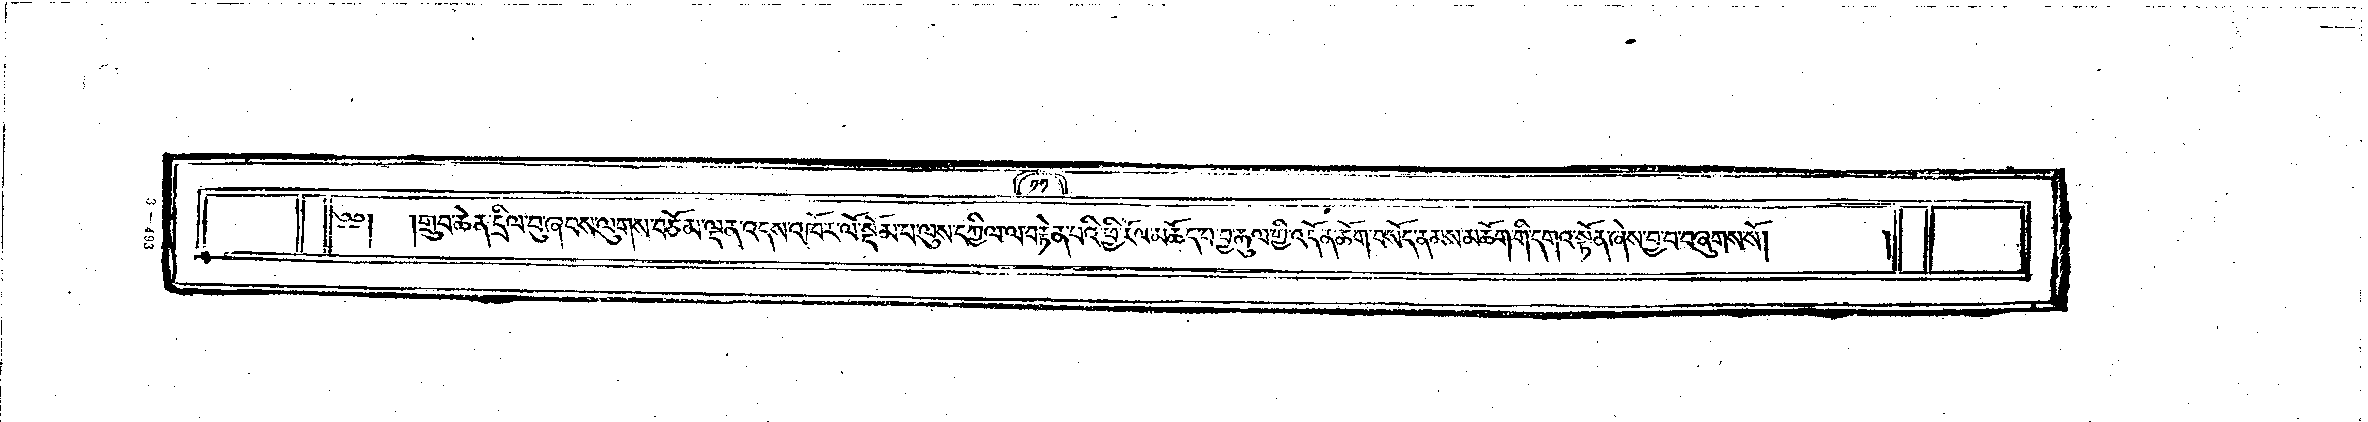༄༅། །གྲུབ་ཆེན་དྲིལ་བུ་ཞབས་ལུགས་བཅོམ་ལྡན་འདས་འཁོར་ལོ་སྡོམ་པ་ལུས་དཀྱིལ་ལ་བརྟེན་པའི་ཕྱི་རོལ་མཆོད་པ་བྱ་ཚུལ་གྱི་འདོན་ཆོག་བསོད་ནམས་མཆོག་གི་དགའ་སྟོན་ཞེས་བྱ་བ་བཞུགས་སོ། །